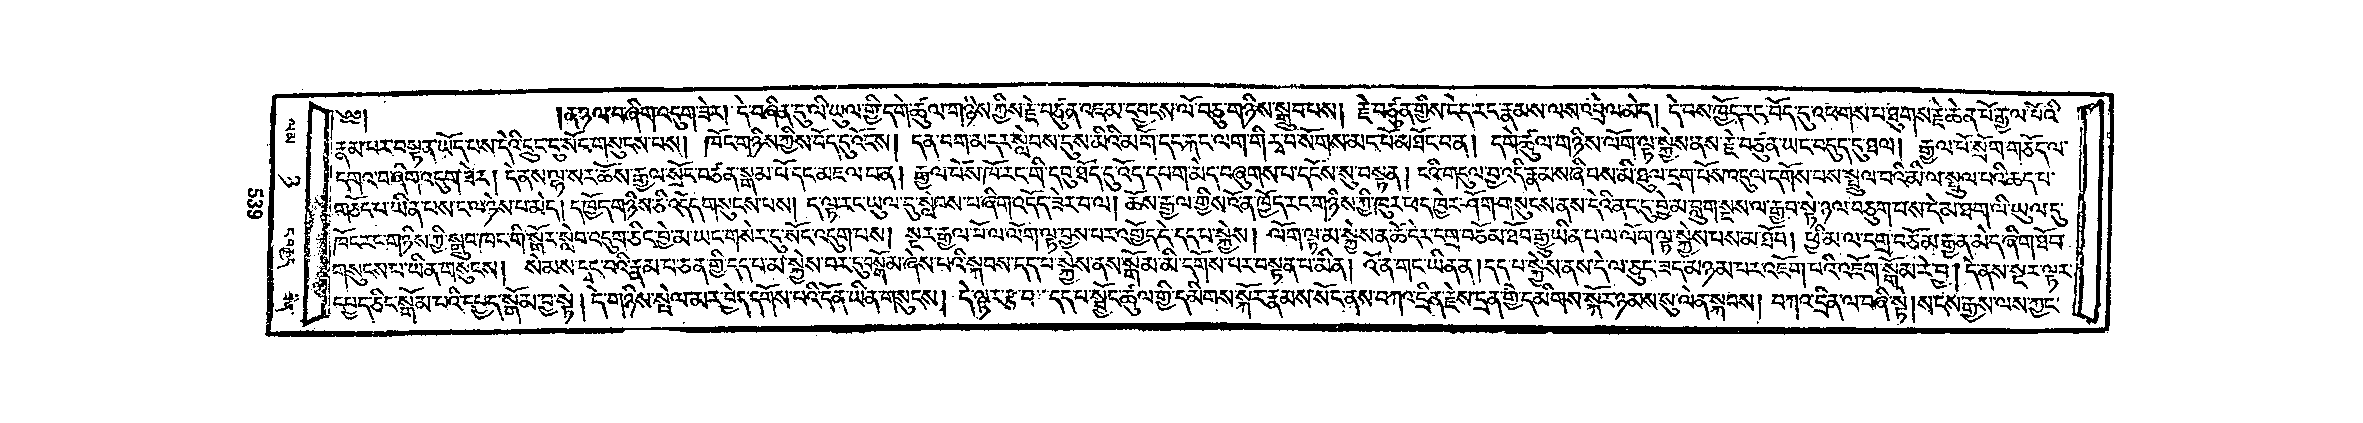༄༅། །ན་ཉལ་བ་ཞིག་འདུག་ཟེར། དེ་བཞིན་དུ་ལི་ཡུལ་གྱི་དགེ་ཚུལ་གཉིས་ཀྱིས་རྗེ་བཙུན་འཇམ་དབྱངས་ལོ་བཅུ་གཉིས་སྒྲུབ་པས། རྗེ་བཙུན་གྱིས་ངེད་རང་རྣམས་ལས་འབྲེལ་མེད། དེ་བས་ཁྱོད་རང་བོད་དུ་འཕགས་པ་ཐུགས་རྗེ་ཆེན་པོ་རྒྱལ་པོའི་
རྣམ་པར་བསྟན་ཡོད་པས་དེའི་དྲུང་དུ་སོང་གསུངས་པས། ཁོང་གཉིས་ཀྱིས་བོད་དུ་འོངས། དན་བག་མདར་སླེབས་དུས་མིའི་མགོ་དང་རྐང་ལག་གི་རྭ་བ་སོགས་མང་པོ་མཐོང་བ་ན། དགེ་ཚུལ་གཉིས་ལོག་ལྟ་སྐྱེས་ནས་རྗེ་བཙུན་ཡང་བདུད་དུ་ཐལ། རྒྱལ་པོ་སྲོག་གཅོད་ལ་
དགའ་བ་ཞིག་འདུག་ཟེར། དེ་ནས་ལྷ་སར་ཆོས་རྒྱལ་སྲོང་བཙན་སྒམ་པོ་དང་མཇལ་པ་ན། རྒྱལ་པོས་ཁོ་རང་གི་དབུ་ཐོད་དུ་འོད་དཔག་མེད་བཞུགས་པ་དངོས་སུ་བསྟན། ངའི་གདུལ་བྱ་འདི་རྣམས་ཞི་བས་མི་ཐུལ་དྲག་པོས་འདུལ་དགོས་པས་སྤྲུལ་བའི་མི་ལ་སྤྲུལ་པའི་ཆད་པ་
གཅོད་པ་ཡིན་པས་ང་ལ་ཉེས་པ་མེད། ད་ཁྱོད་གཉིས་ཅི་འདོད་གསུངས་པས། ད་ལྟ་རང་ཡུལ་དུ་སླེབས་པ་ཞིག་འདོད་ཟེར་བ་ལ། ཆོས་རྒྱལ་གྱིས་འོ་ན་ཁྱོད་རང་གཉིས་ཀྱི་ཁུར་ཕད་ཁྱེར་ཤོག་གསུངས་ནས་དེའི་ནང་དུ་བྱེ་མ་བླུག་སྔས་ལ་རྒྱབ་སྟེ་ཉལ་བཅུག་པས་དེ་མ་ཐག་ལི་ཡུལ་དུ་
ཁོང་རང་གཉིས་ཀྱི་སྒྲུབ་ཁང་གི་སྒོར་སླེབ་འདུག་ཅིང་བྱེ་མ་ཡང་གསེར་དུ་སོང་འདུག་པས། སྔར་རྒྱལ་པོ་ལ་ལོག་ལྟ་བྱས་པར་འགྱོད་དེ་དད་པ་སྐྱེས། ལོག་ལྟ་མ་སྐྱེས་ན་ཚེ་དེར་དགྲ་བཅོམ་ཐོབ་རྒྱུ་ཡིན་པ་ལ་ལོག་ལྟ་སྐྱེས་པས་མ་ཐོབ། ཕྱི་མ་ལ་དགྲ་བཅོམ་རྒྱན་མེད་ཞིག་ཐོབ་
གསུངས་པ་ཡིན་གསུངས། སེམས་དྭང་བའི་རྣམ་པ་ཅན་གྱི་དད་པ་མ་སྐྱེས་བར་དུ་བསྒོམ་ཞེས་པའི་སྐབས་དད་པ་སྐྱེས་ནས་སྒོམ་མི་དགོས་པར་བསྟན་པ་མིན། འོ་ན་གང་ཡིན་ན། དད་པ་སྐྱེས་ནས་དེ་ལ་ཅུང་ཟད་མཉམ་པར་འཇོག་པའི་འཇོག་སྒོམ་རེ་བྱ། དེ་ནས་སྔར་ལྟར་
དཔྱད་ཅིང་སྒོམ་པའི་དཔྱད་སྒོམ་བྱ་སྟེ། དེ་གཉིས་སྤེལ་མར་བྱེད་དགོས་པའི་དོན་ཡིན་གསུངས། དེ་ལྟར་རྩ་བ་དད་པ་སྦྱོང་ཚུལ་གྱི་དམིགས་སྐོར་རྣམས་སོང་ནས་བཀའ་དྲིན་རྗེས་དྲན་གྱི་དམིགས་སྐོར་ཉམས་སུ་ལེན་སྐབས། བཀའ་དྲིན་ལ་བཞི་སྟེ། སངས་རྒྱས་ལས་ཀྱང་